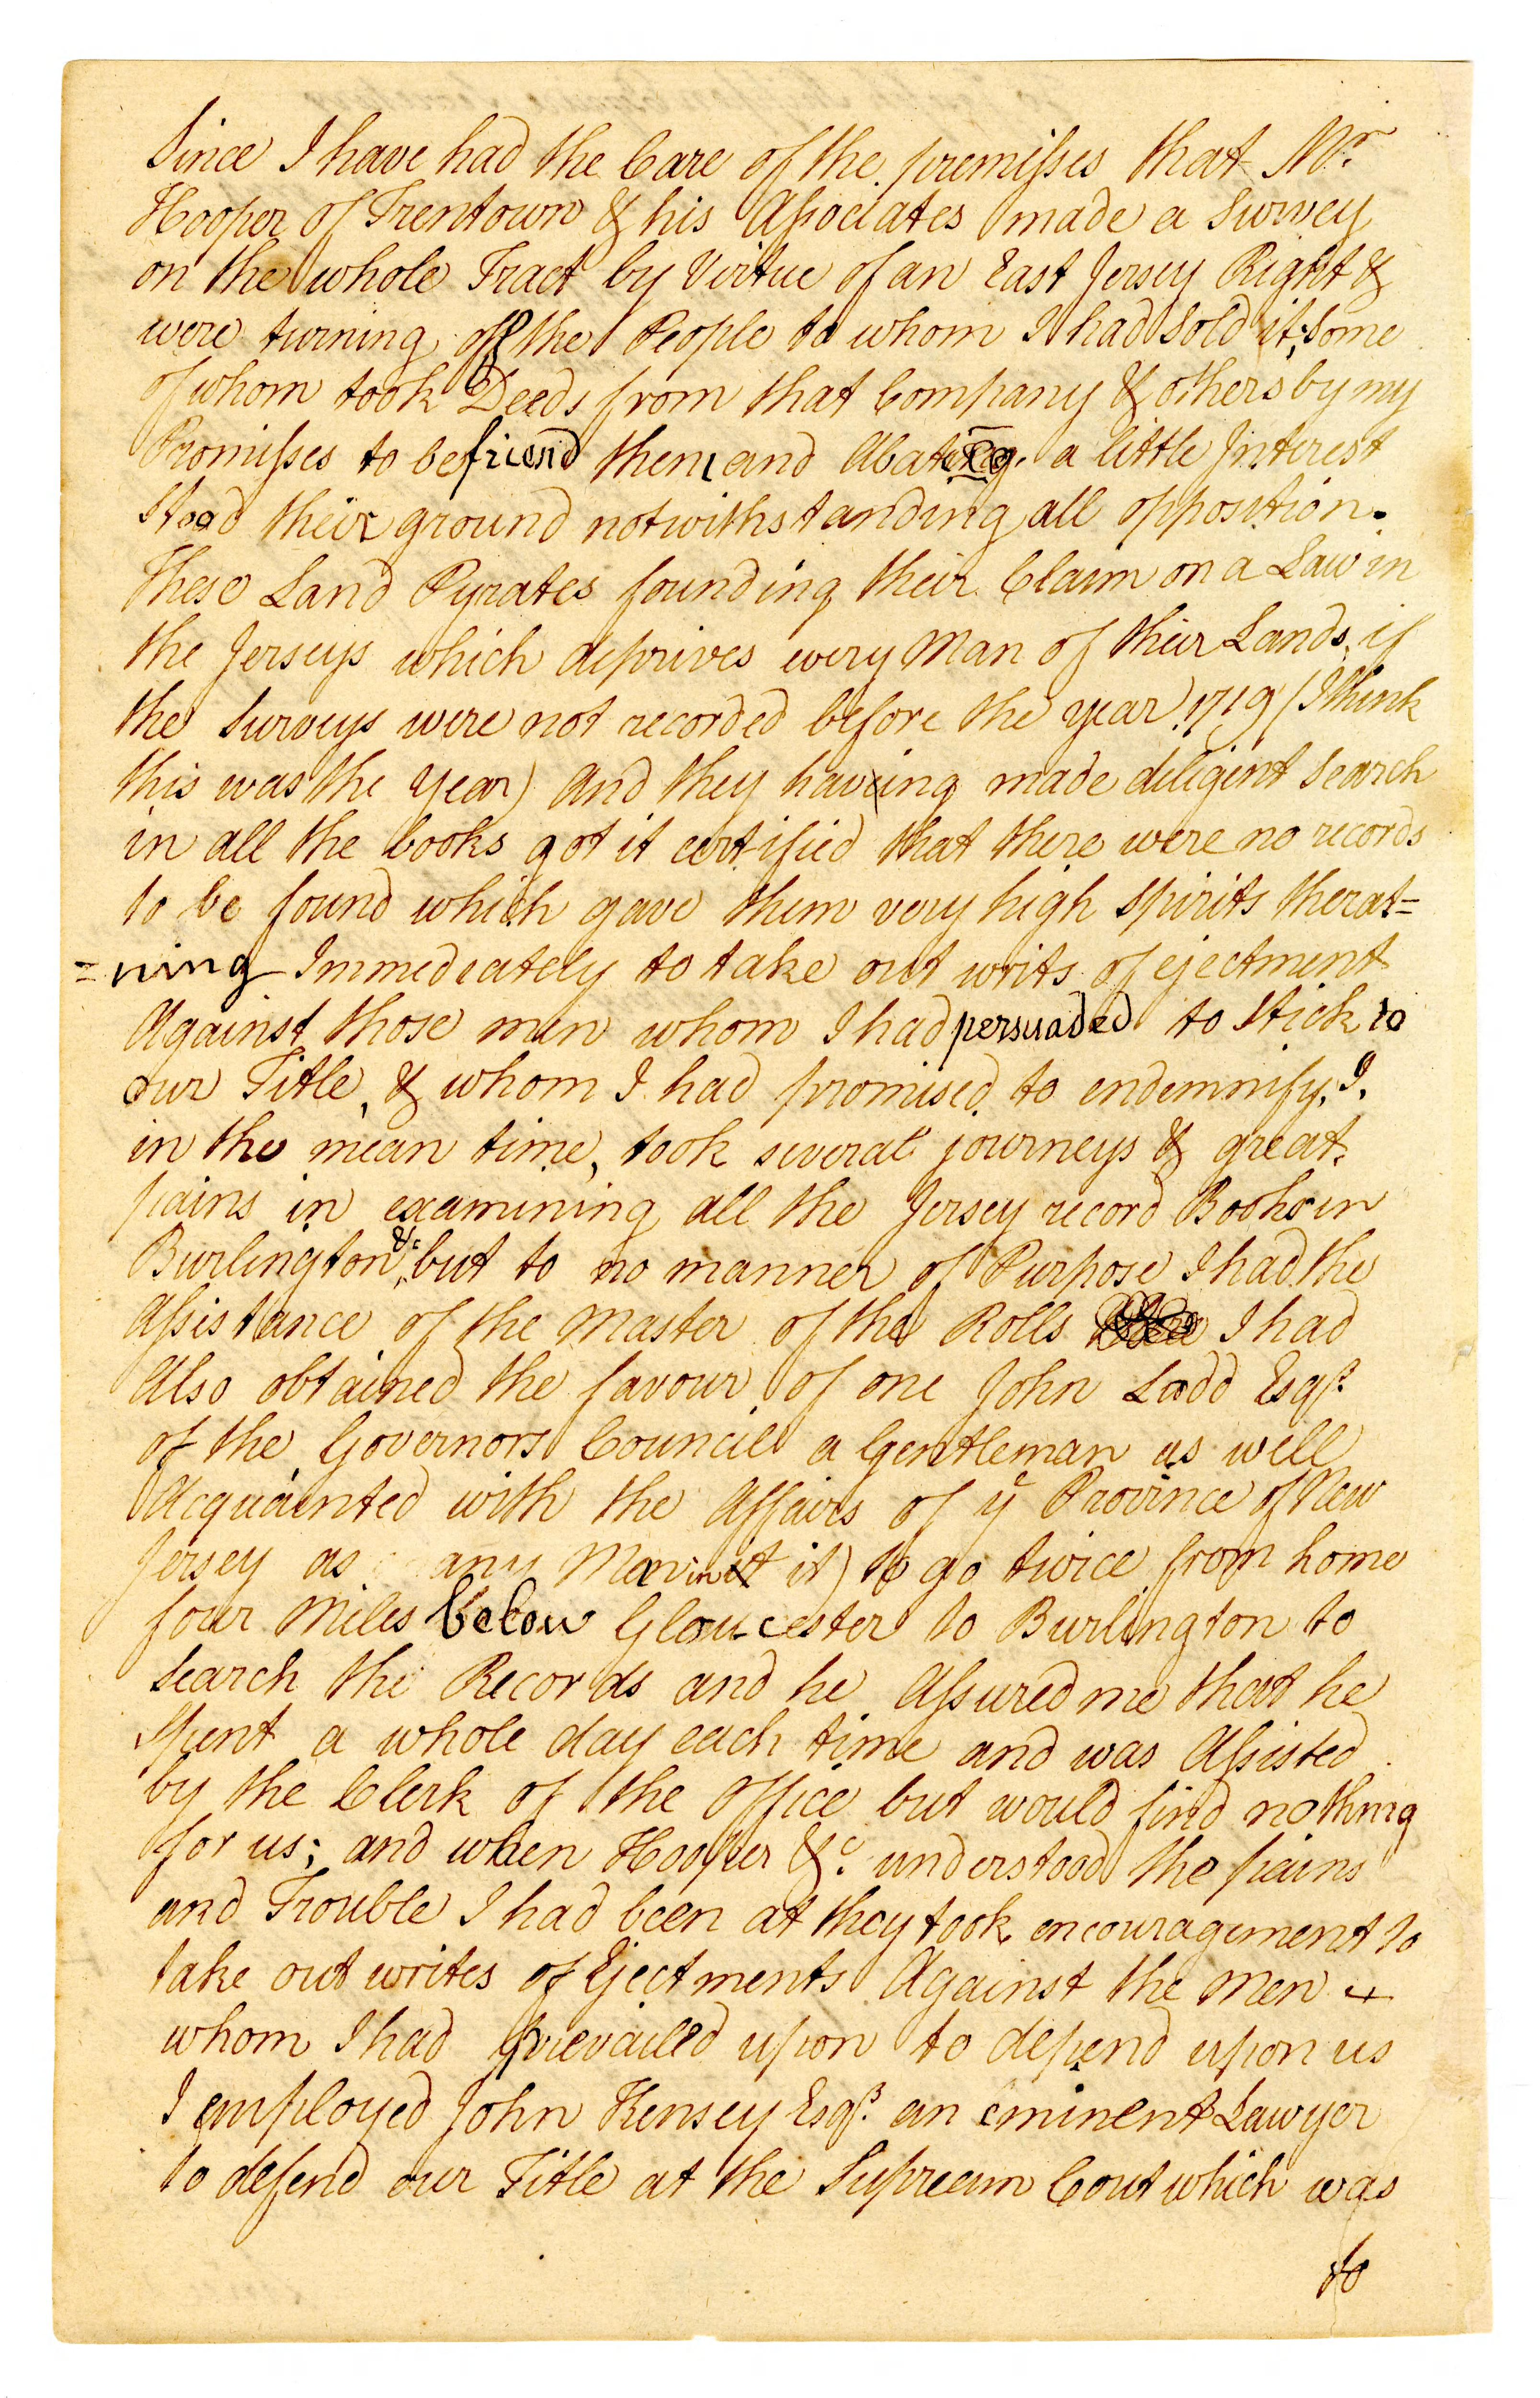Since I have had the Care of the premisses that M.^r
Hooper of Trentown & his Associates made a Survey
on the whole Tract by Virtue of an East Jersey Right &
were turning off the People to whom I had Sold it, Some
of whom took Deeds from that Company & others by my
Promisses to befriend them and Abating a little Interest
Stood their ground notwithstanding all opposition.
These Land Pyrates founding their Claim on a Law in
the Jerseys which deprives every Man of their Lands, if
the Surveys were not recorded before the year 1719 / I think
this was the Year) and they having made diligent Search
in all the books got it certified that there were no records
to be found which gave them very high spirits therat-
-ning Immediately to take out writs of ejectment
Against those men whom I had persuaded to Stick to
our Title, & whom I had promised to endemnify, I,
in the mean time, took several journeys & great,
Pains in examining all the Jersey record Books in
Burlington ^&c but to no manner of Purpose I had the
Assistance of the Master of the Rolls I had
Also obtained the favour of one John Ladd Esq^r.
of the Governors Council a Gentleman as well
Acquainted with the Affairs of y^e Province of New
Jersey as any Man in [it] it) per go twice from home
four Miles below Gloucester to Burlington to
Search the Records and he Assured me that he
Spent a whole day each time and was Assisted
by the Clerk of the Office but would find nothing
for us; and when Hooper &^c. understood the pains
and Trouble I had been at they took encouragement to
take out writes of Ejectments Against the Men-
whom I had prevailed upon to depend upon us
I employed John Kensey Esq^r. an eminent Lawyer
to defend our Title at the Supream Cout which was
to